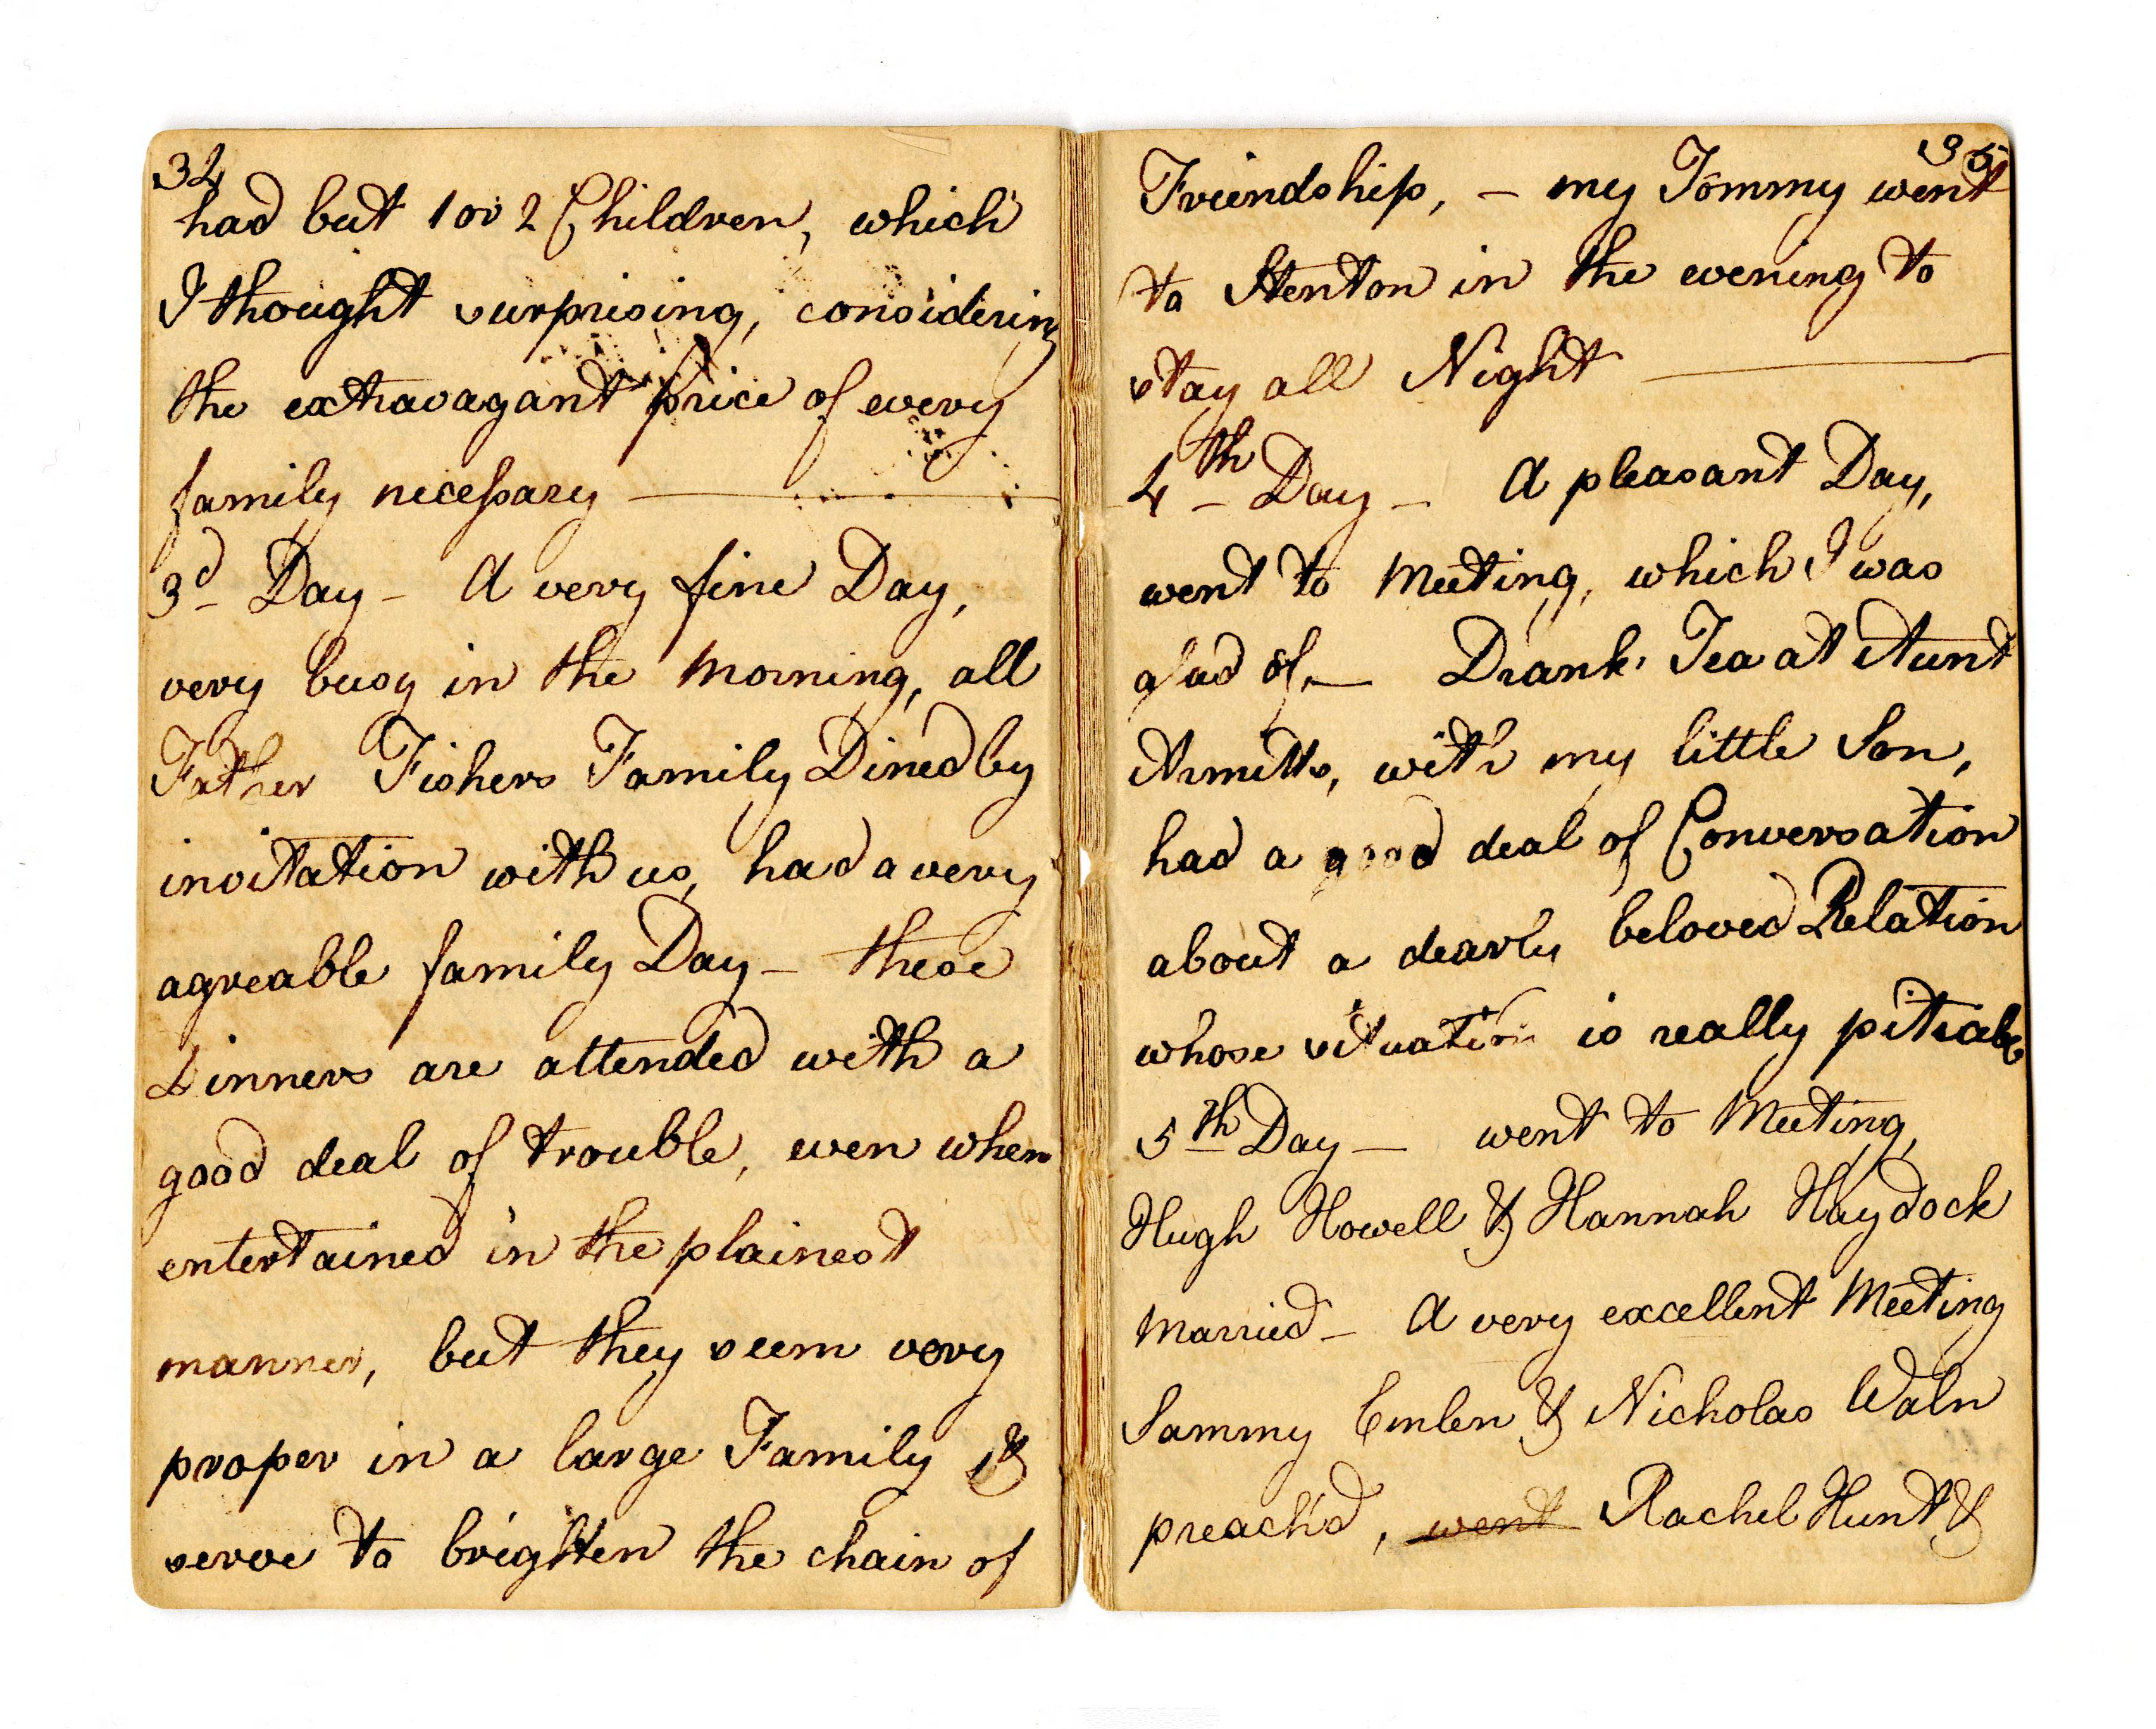34
had but 1 or 2 Children, which
I thought surprising, considering
the extravagant price of every
family necessary-
3^d Day- A very fine Day,
very busy in the Morning, all
Father Fishers Family Dined by
invitation with us, had a very
agreable family Day- these
Dinners are attended with a
good deal of trouble, even when
entertained in the plainest
manner, bet they seem very
proper in a large Family &
serve to brighten the chain of
35
Friendship,- my Tommy went
to Stenton in the evening to
stay all Night-
4^th Day- A pleasant Day,
went to meeting, which I was
glad of- Drank Tea at Aunt
Armitts, with my little Son,
had a good deal of Conversation
about a dearly beloved Relation
whose situation is really pitiabe
5^th Day- went to Meeting,
Hugh Howell & Hannah Haydock
Married- A very excellent Meeting
Sammy Emlen & Nicholas Waln
preach'd, went Rachel Hunt &